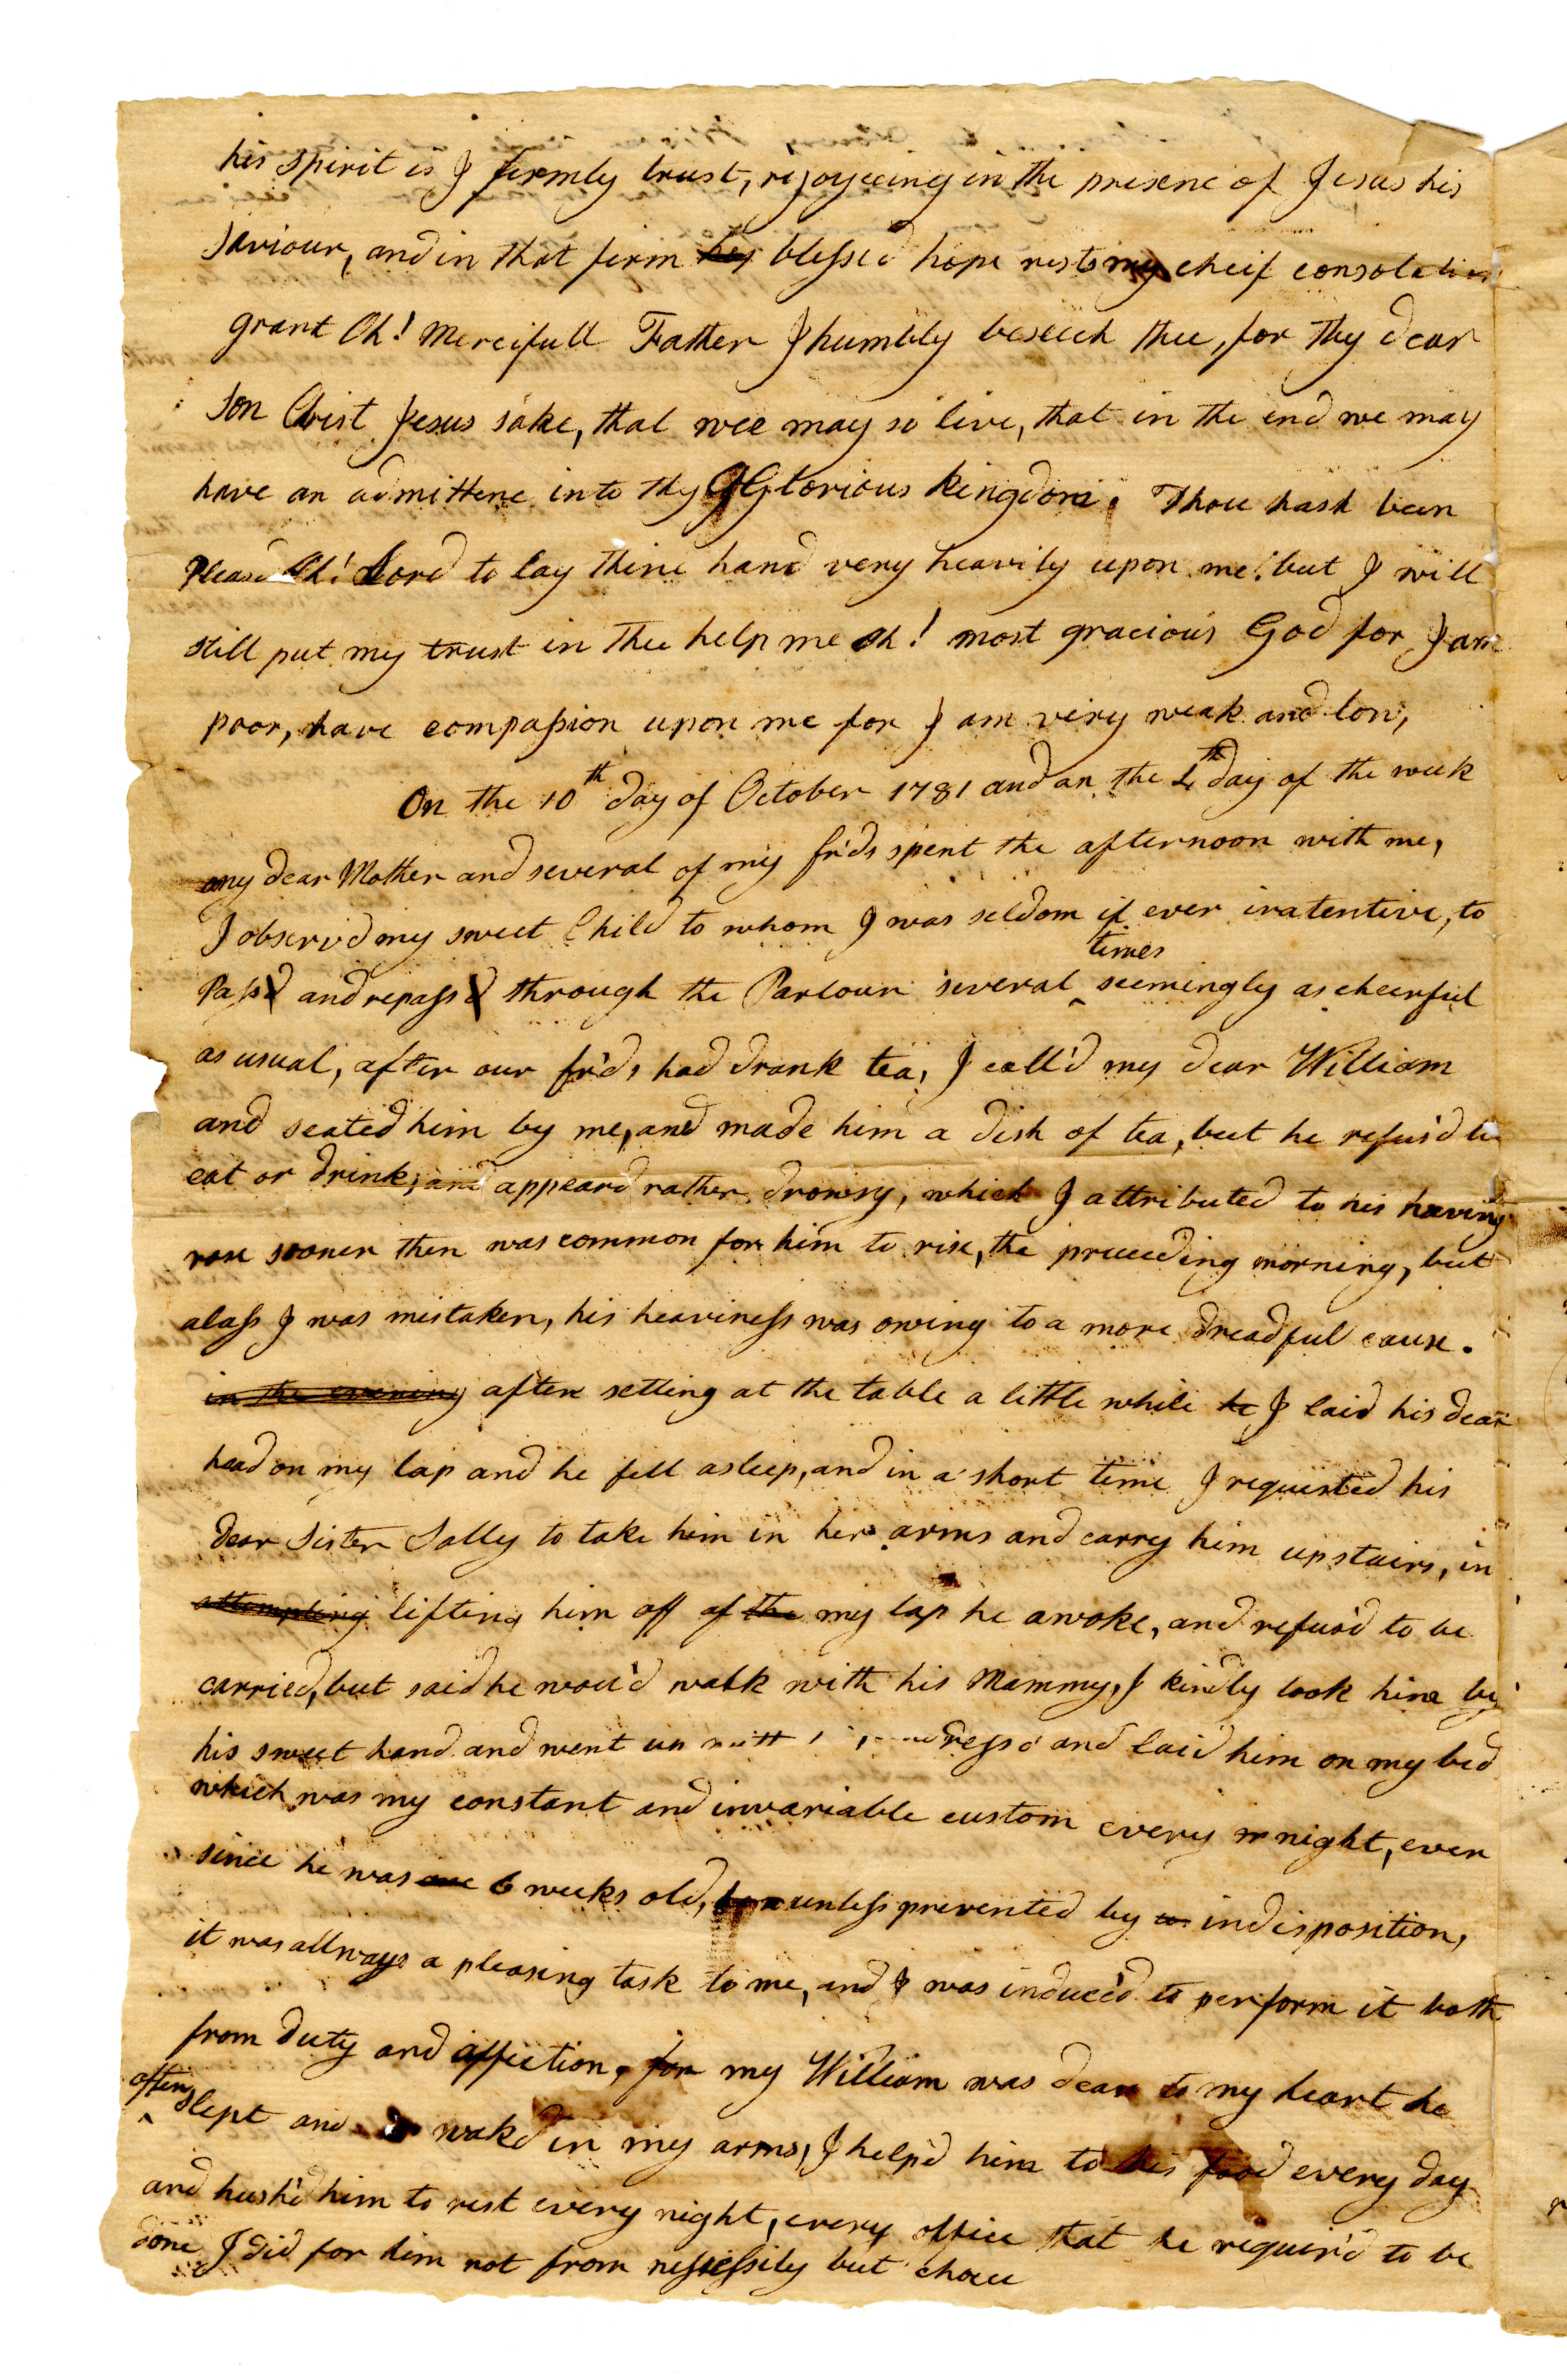his spirit is I firmly trust, rejoyceing in the presence of Jesus his
Saviour, and in that firm [bes] blessed hope rests my chief consolation
grant Oh! mercifull Father I humbly beseech thee, for thy dear
son Christ Jesus sake, that wee may so live, that in the end we may
have an admittence into thy [G] Glorious kingdom. Thou has been
pleased Oh! Lord to lay thine hand very heavily upon me: but I will
still put my trust in thee help me oh! most gracious God for I am
poor, have compassion upon me for I am very weak and low,
On the 10^th day of October 1781 and on the 4^th day of the week
my dear Mother and several of my frids spent the afternoon with me,
I observd my sweet Child to whom I was seldom if ever inatentive, to
times
Pass[d] and repass[d] through the Parlour several ^ seemingly as cheerful
as usual, after our frids had drank tea, I call'd my dear William
and seated him by me, and made him a dish of tea, but he refus'd to
eat or drink, and appeared rather drowsy, which I attributed to his having
rose sooner than was common for him to rise, the preceeding morning, but
alas I was mistaken, his heaviness was owing to a more dreadful cause.
[in the evening] after setting at the table a little while I laid his dear
head on my lap and he fell asleep, and in a short time I requested his
dear sister Sally to take him in her arms and carry him upstairs, in
[attempting] lifting him off of my lap he awoke, and refus'd to be
carried, but said he wou'd walk with his Mammy, I kindly took him by
his sweet hand and went up with [____]ness and laid him on my bed
which was my constant and invariable custom every night, even
since he was 6 weeks old, [___] unless prevented by indisposition,
it was allways a pleasing task to me, and was induced to perform it both
from duty and affection, for my William was dear to my heart he
often
slept and wakd in my arms, I help'd him to his food every day
and hush'd him to rest every night, every office that he requir'd to be
done I did for him not from nessessity but choice